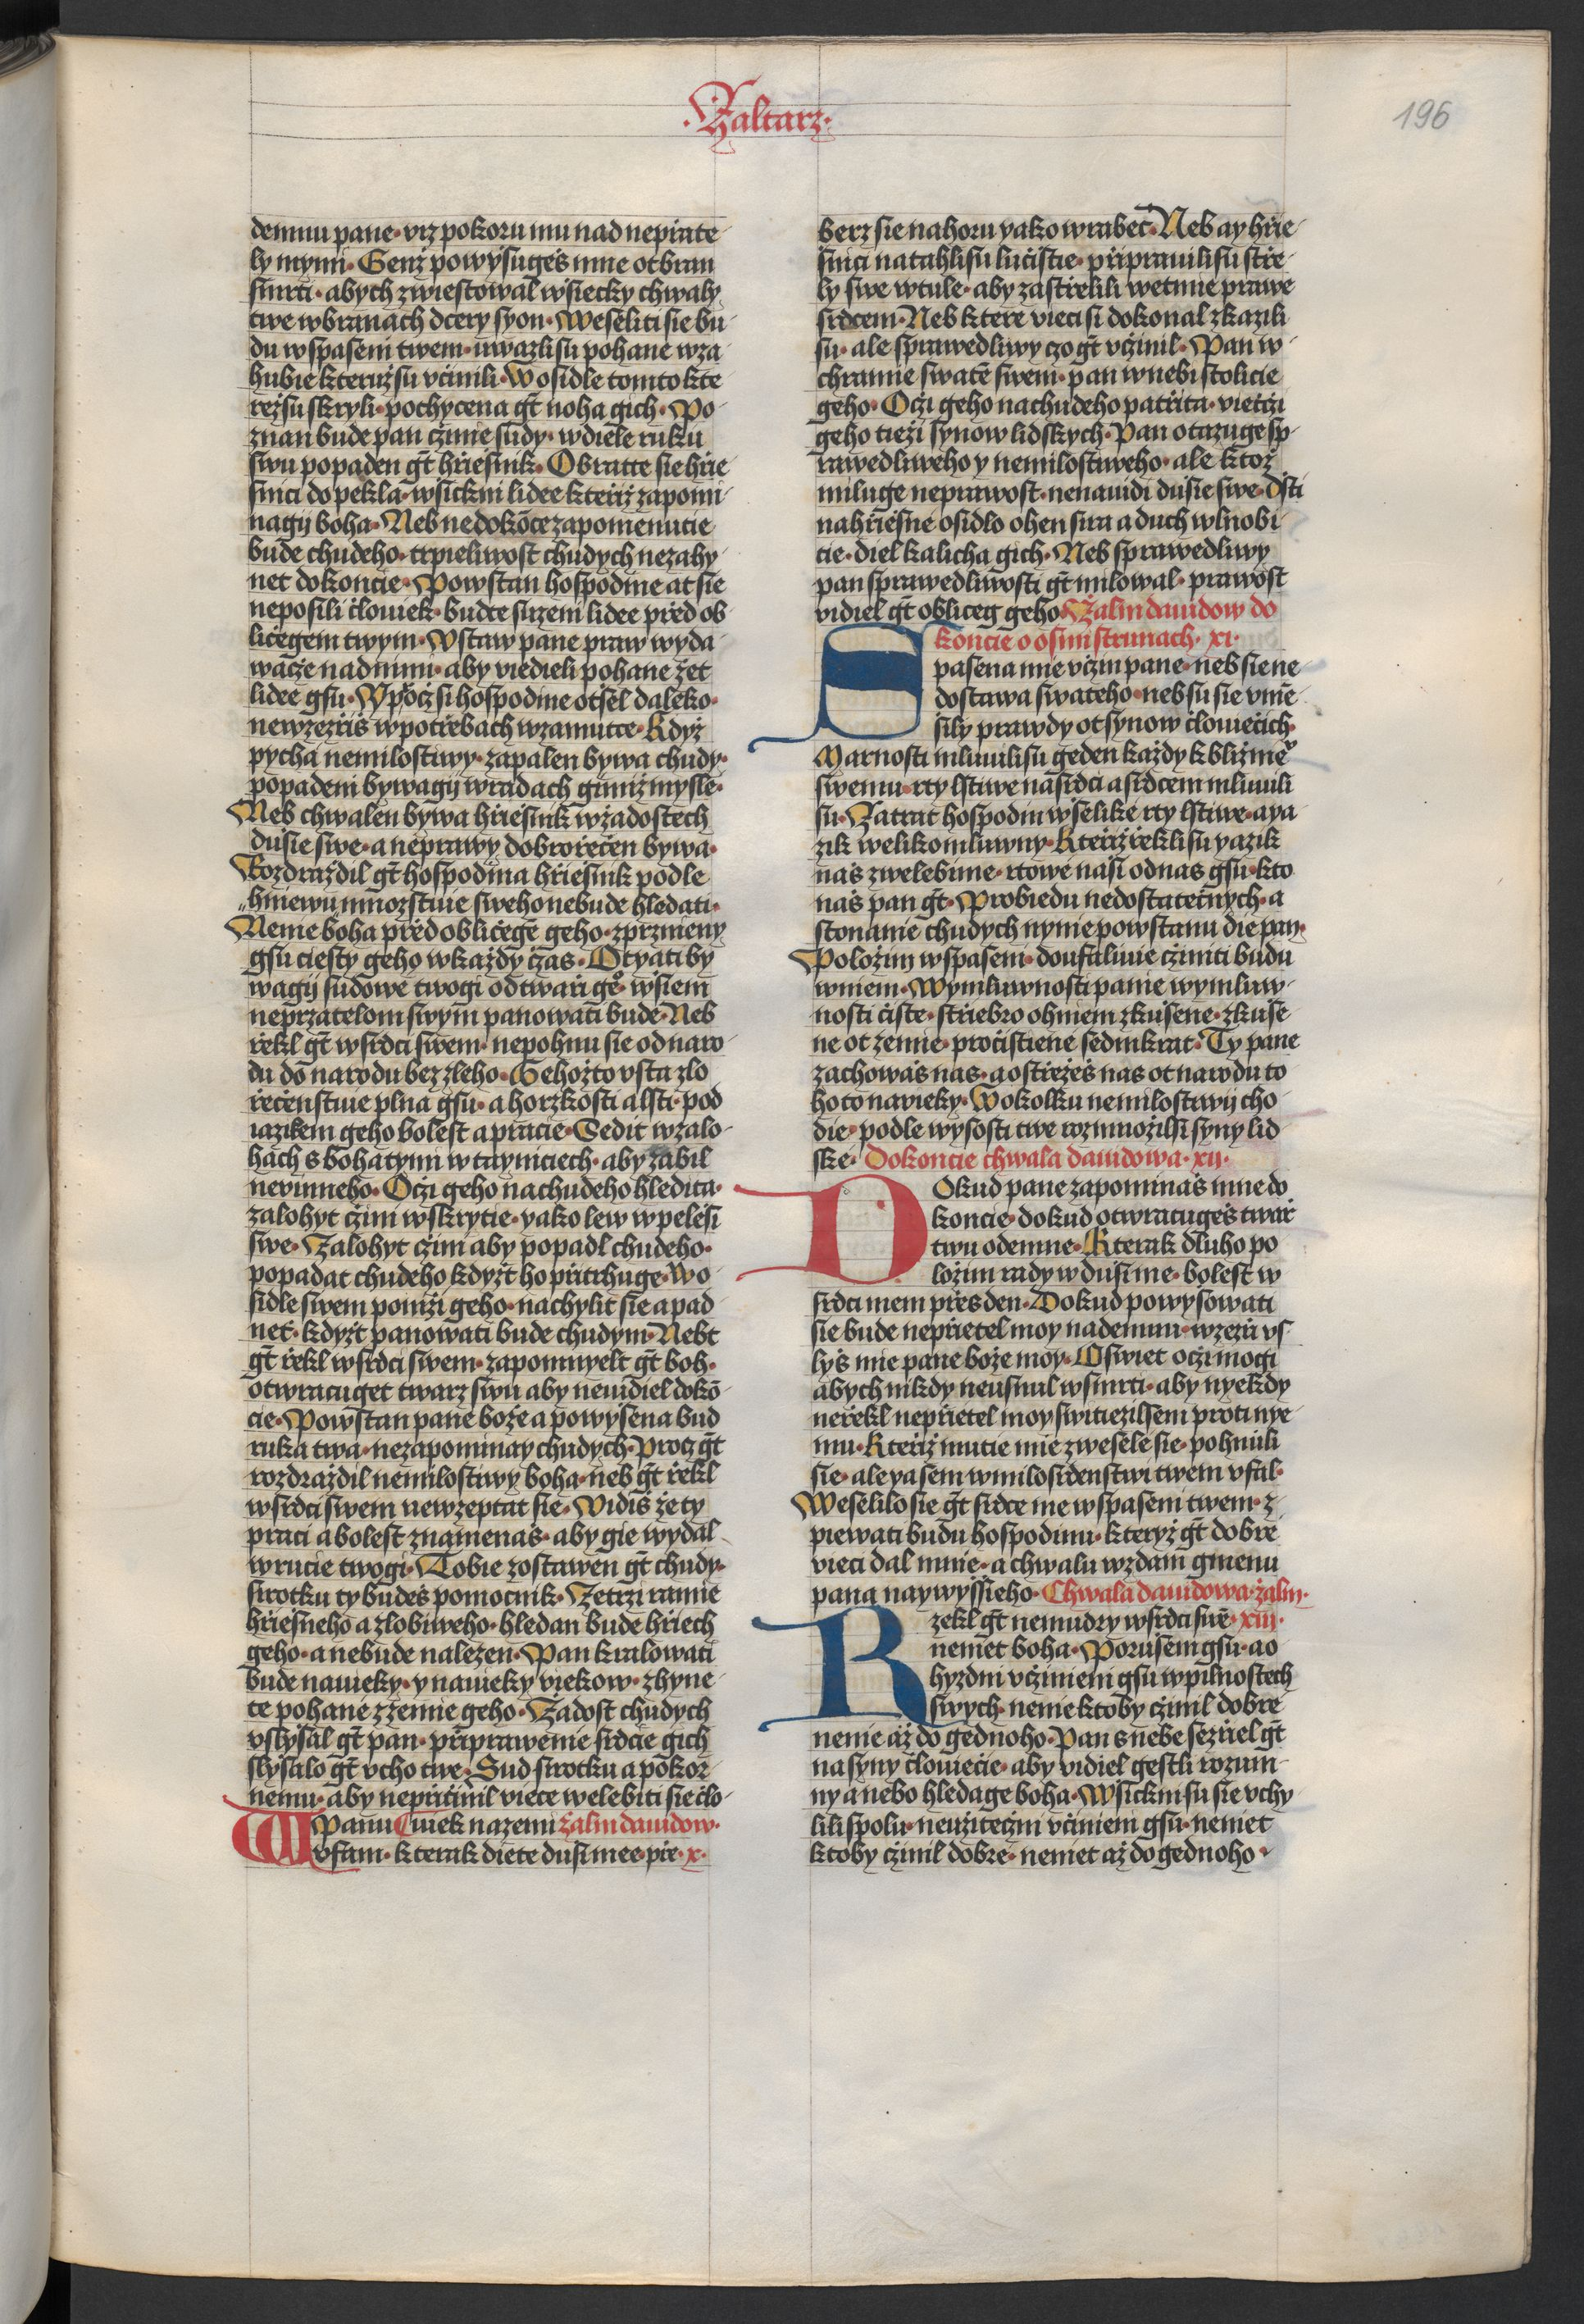demnu pane.viz pokoru mu nad nepṙate¬
ly mym.Genż powyẛugeṡ mne otbran
ſmrti.abych zwieſtowal wẛiecky chwaly
twe wbranach dcery ſyon.Weſeliti ſie bu¬
du w ſpaſeni twem.uwazliſu pohane wza¬
hubie kterużſu uċinili.W oſidle tomto kte¬
reżſu ſkryli.pochycena ḡt noha gich.Po¬
znan bude pan cžinie ſudy.wdiele rukú
ſwu popaden ḡt hṙieẛnik.Obratte ſie hṙie¬
ſnici do pekla.wẛickni lidee kteṙiż zapomi-
nagij boha.Neb nedokōce zapomenutíe
bude chudeho.trpieliwoſt chudych nezahy¬
net dokoncie.Powſtan hoſpodine at ſie
nepoſili ċloviek.budte ſuzeni lidee pṙed ob¬
ličegem twym.Wſtaw pane praw wyda¬
wacže nadnimi.aby viedieli pohane żet
lidee gſu.Y procż ſi hoſpodine otẛel daleko
newzezṙiṡ wpotṙebach wzamutce.Kdyż
pychá nemiloſtiwy.zapalen bywa chudy.
popadeni bywagij wradach gimiż myſle.
Neb chwalen bywa hṙieẛnik wżadoſtech
duẛie ſwe.a neprawy dobroṙeċen bywa.
Rozdraždil ḡt hoſpodina hṙieẛnik podle
hniewu mnozſtvíe ſweho nebude hledati.
Nenie boha pṙed obliċegē geho.zprznieny
gſu cieſty geho w każdy cżas.Otyati by¬
wagij ſudowe twogi odtwaṙi geo.wẛiem
neprzatelom ſwym panowati bude.Neb
ṙekl ḡt wſrdci ſwem.nepohnu ſie od naro¬
du do narodu bez zleho.Gehożto uſta zlo¬
ṙeċenſtwie plna gſu.a horzkoſti a lſti.pod
iazikem geho boleſt a pracie.Sedit wzalo¬
hach s bohatymi w tayniciech.aby zabil
nevinneho.Ocżi geho nachudeho hledita.
zalohyt cżiní wſkrytie.yako lew w peleẛi
ſwe.Zalohyt cżiní aby popadl chudeho.
popadat chudeho kdyžt ho pṙitrhuge.Wo¬
ſidle ſwem poniżí geho.nachylit ſie a pad¬
neṫ.kdyžt panowati bude chudym.Nebt
ḡt ṙekl wſrdci ſwem.zapomnyelt ḡt boh.
otporacuget twarz ſwu aby nevidiel dokō¬
cie.Powſtan pane boże a powyẛena bud
ruka twa.nezapominay chudych.Procz ḡt
rozdrażdil nemiloſtiwy boha.neb ḡt ṙekl
wſrdci ſwem newzeptat ſie.Vidiṡ że ty
praci a boleſt znamenaṡ.aby gie wydal
wrucie twogi.Tobie zoſtawen ḡt chudy.
ſirotku ty budeš pomocnik.Zetrzi ramie
hṙieẛneho a zlobiweho.hledan bude hṙiech
geho.a nebude nalezen.Pan kralowati
bude navieky.y navieky viekow.zhyne¬
te pohane zzemie geho.Zadoſt chudych
uſlyẛal ḡt pan.pṙipraweníe ſrdcie gich
ſlyẛalo ḡt ucho twe.Sud ſirotku a pokor¬
nemu.aby nepṙiċinil viece welebiti ſie ċlo¬
Panu viek nazemi żalm davidow.
ufam.kterak diete duẛi mee.pṙe.x.
.Żaltarz.
berz ſie nahrou yako wrabec.Neb ay hṙie¬
ẛnici natahliſu luċiẛtie.pṙipraviliſu ſtṙe¬
ly ſwe wtule.aby zaſtṙelili wetmie prawe
ſrdcem.Neb ktere vieci ſi dokonal zkazili
ſu.ale ſprawedliwy czo ḡt ucžinil.Pan w¬
chramie ſwatē ſwem.pan w nebi ſtolicie
geho.Ocżi geho nachudeho patṙita.vietcżi
geho tieżi ſynow lidſkych.Pan otazuge ſp¬
rawedliweho y nemiloſtiweho.ale ktoż
miluge neprawoſt.nenavidi duẛie ſwe.Dẛtí
nahřieẛné oſidlo ohen ſira a duch wlnobi¬
tie.diel kalicha gich.Neb ſprawedliwy
pan ſprawedliwoſti ḡt milowal.prawoſt
vidiel ḡt obliceg geho Żalm davidow do
koncie o oſmi ſtrunach.xi.
paſena mie ucżin pane.neb ie ne¬
doſtawa ſwateho.neb ſu ſie vmē¬
ẛily prawdy otſynow ċlovieċích.
Marnoſti mluviliſu geden każdy k bliżniev
ſwemu.rty lſtiwe naſrdci a ſrdcem mluvili
ſu.Zatrat podin wẛeliké rty lſtiwe.a ya¬
zik welikomluwny.Kteṙiż řekli ſu yazik
naṡ zwelebíme.rtowé naẛi odnas gſu.kto
naṡ pan ḡt.Probiedu nedoſtateċnych.a
ſtonanie chudych nynie powſtanu díe pan.
Polożím wſpaſenií.doufaliuie cżiniti budu
w mem.Wymluwnoſti panie wymluw¬
noſti ċiſte.ſtṙiebro ohniem zkuẛene.zkuẛe¬
ne ot zemie.proċiſtené ſedmkrat.Ty pane
zachowaṡ nas.a oſtṙeżeṡ nas ot narodu to¬
hoto navieky.Wokolku nemiloſtiwij cho¬
die.podle wyſoſti twe rozmnożilſi ſyny lid¬
ſke.Dokoncie chwala davidowa.xij.
Okud pane zapomínaṡ mne do
koncie.dokud otwratugeṡ twaṙ
twu odemne.Kterak dluho po¬
ložím rady w duẛi me.boleſt w
ſrdci mem pṙes den.Dokud powyẛowati
ſie bude nepřietel moy nademnu.wzezři uſ¬
lyṡ mie pane bože moy.Oſwiet ocżi mogi
abych nikdy neuſnul wſmrti.aby nyekdy
neṙekl nepṙietel moy ſwitiezilſem proti nye¬
mu.Kteṙiż mutíe mie zweſelé ie.pohnuli
ſie.ale ya ſem miloſrdenſtwí twem ufal.
Weſelilo ſe ḡt ſrdce me wſpaſeni twem.z¬
piewati budu hoſpodinu.kteryż ḡt dobré
vieci dal mnie.a chwalu wzdam gmenu
pana naywyẛẛieho.Chwala davidowa.żalm.
zekl ḡt nemudzy w ſrdci ſwē.xiij.
neniet boha.Poruẛeni gſu a o¬
hyzdni ucżinieni gſu wpilnoſtech
ſwych.nenie ktoby cżinil dobré
neníe aż do gednoho.Pan s nebe ſezṙiel ḡt
na ſyny ċlowieċíe.aby vidiel geſtli rozum¬
ny a nebo hledage boha.Wẛickni u ſie uchy¬
lili ſpolu.neużitecżni uċiniem gſu.nemiet
ktoby cżinil dobré.neníet aż do gednoho.